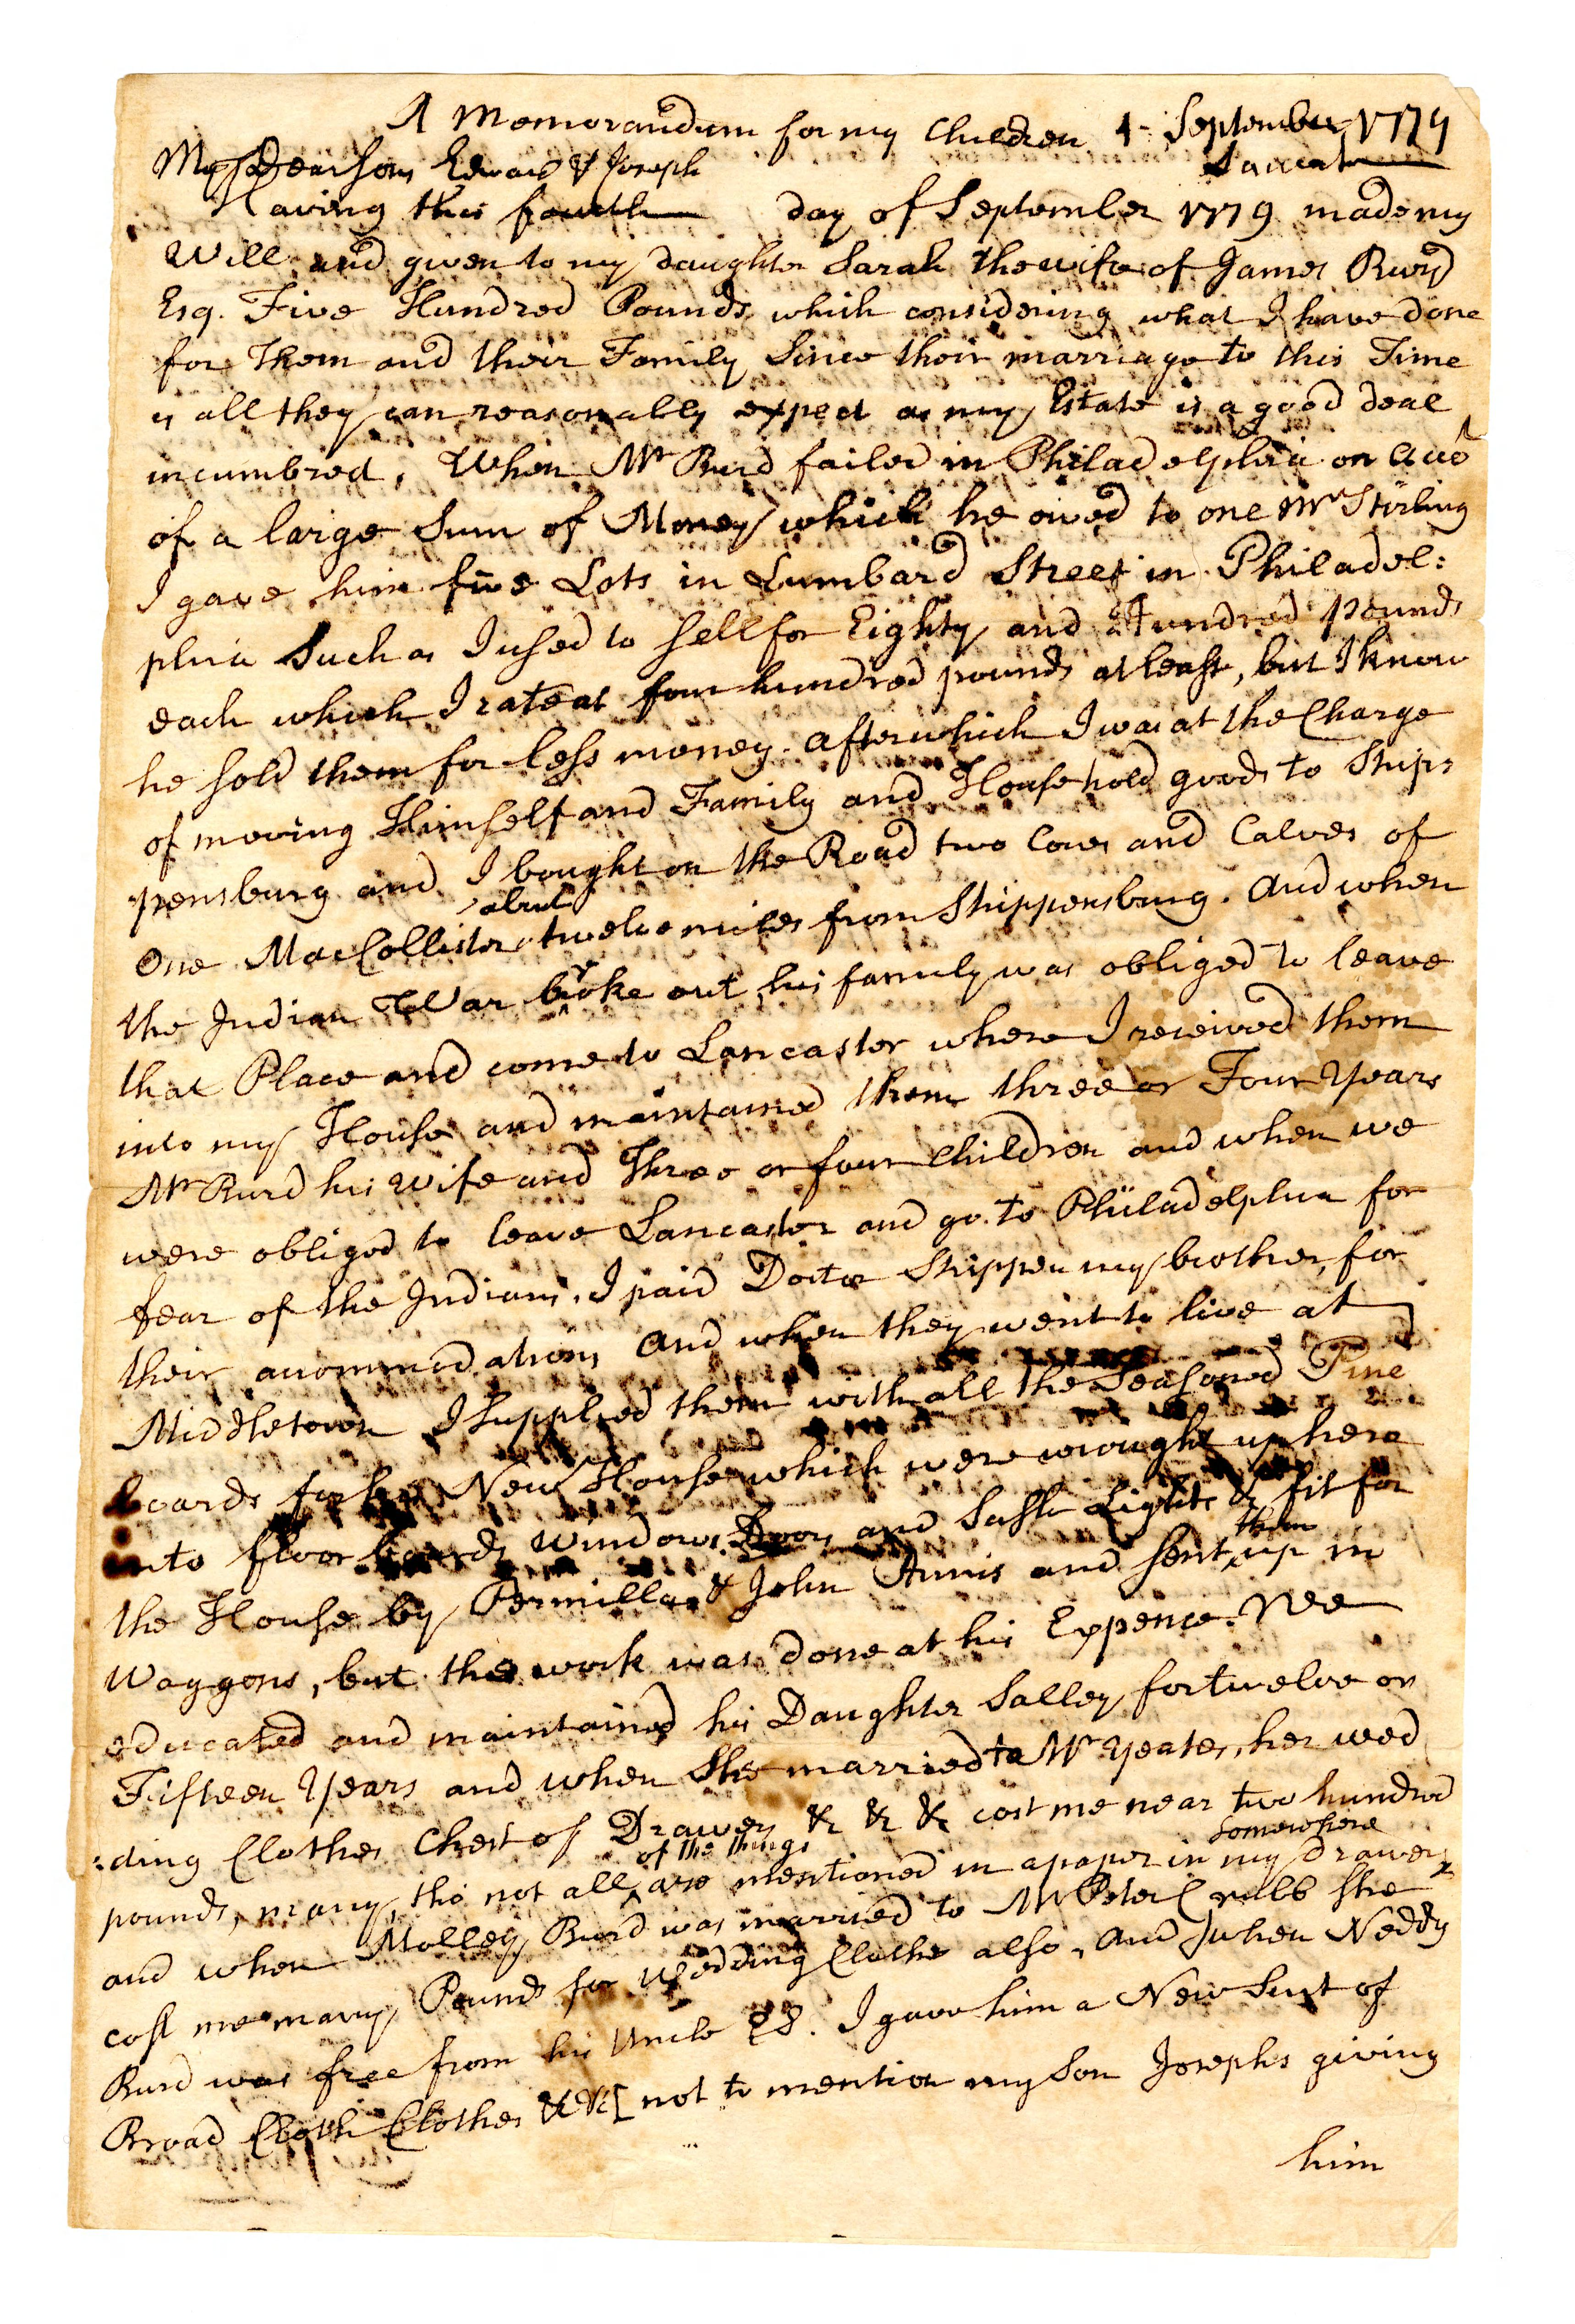A Memorandum for my Children 1- September-1779
Lancaster
My Dear Sons Edward & Joseph
Having this fourth day of September 1779 made my
Will and given to my daughter Sarah the wife of James Burd
Esq. Five Hundred Pounds which considering what I have done
for Them and their Family Since their marriage to this Time
is all they can reasonably expect as my Estate is a good deal
incumbred. When M^r Burd failed in Philadelphia on Acco^t
of a large sum of Money which he owed to one M^r Stirling
I gave him five Lots in Lumbard Street in Philadel:
phia such as I used to sell for Eighty and Hundred pounds
each which I rate as four hundred pounds at least, but I know
he sold them for less money. After which I was at the Charge
of moving Himself and Family and Household goods to Ship-
pensburg and I bought on the Road two Cows and Calves of
about
one MacCollister twelve miles from Shippensburg. And when
the Indian War broke out, his family was obliged to leave
that Place and come to Lancaster where I received them
into my House and maintained them three or Four Years
M^r Burd his wife and Three or four children and when we
were obliged to leave Lancaster and go to Philadelphia for
fear of the Indians, I paid Doctor Shippen my brother, for
their accommodations And when they went to live at
Middletown I supplied them with all the seasoned Pine
[b]oards for [their] New House which were wrought up here
into floor boards windows Doors and [suffic] Lights & fit for
them
the House by Permilla & John Armis and sent ^ up in
Waggons, but the work was done at his Expence. We
educated and maintained his Daughter Salley for twelve or
Fifteen Years and when she married to M^r Yeates, her wed
:ding Clothes Chest of Drawers &c &c &c cost me near two hundred
of the things
somewhere
pounds, many tho' not all ^ are mentioned in a paper in my drawer
and when Molley Burd was married to M^r Peter Crabb she
cost me many Pounds for Wedding Cloths also, and when Neddy
Burd was free from his Uncle E.S. I gave him a New Set of
Broad Cloth Clothes &c &c [not to mention my Son Josephs giving
him